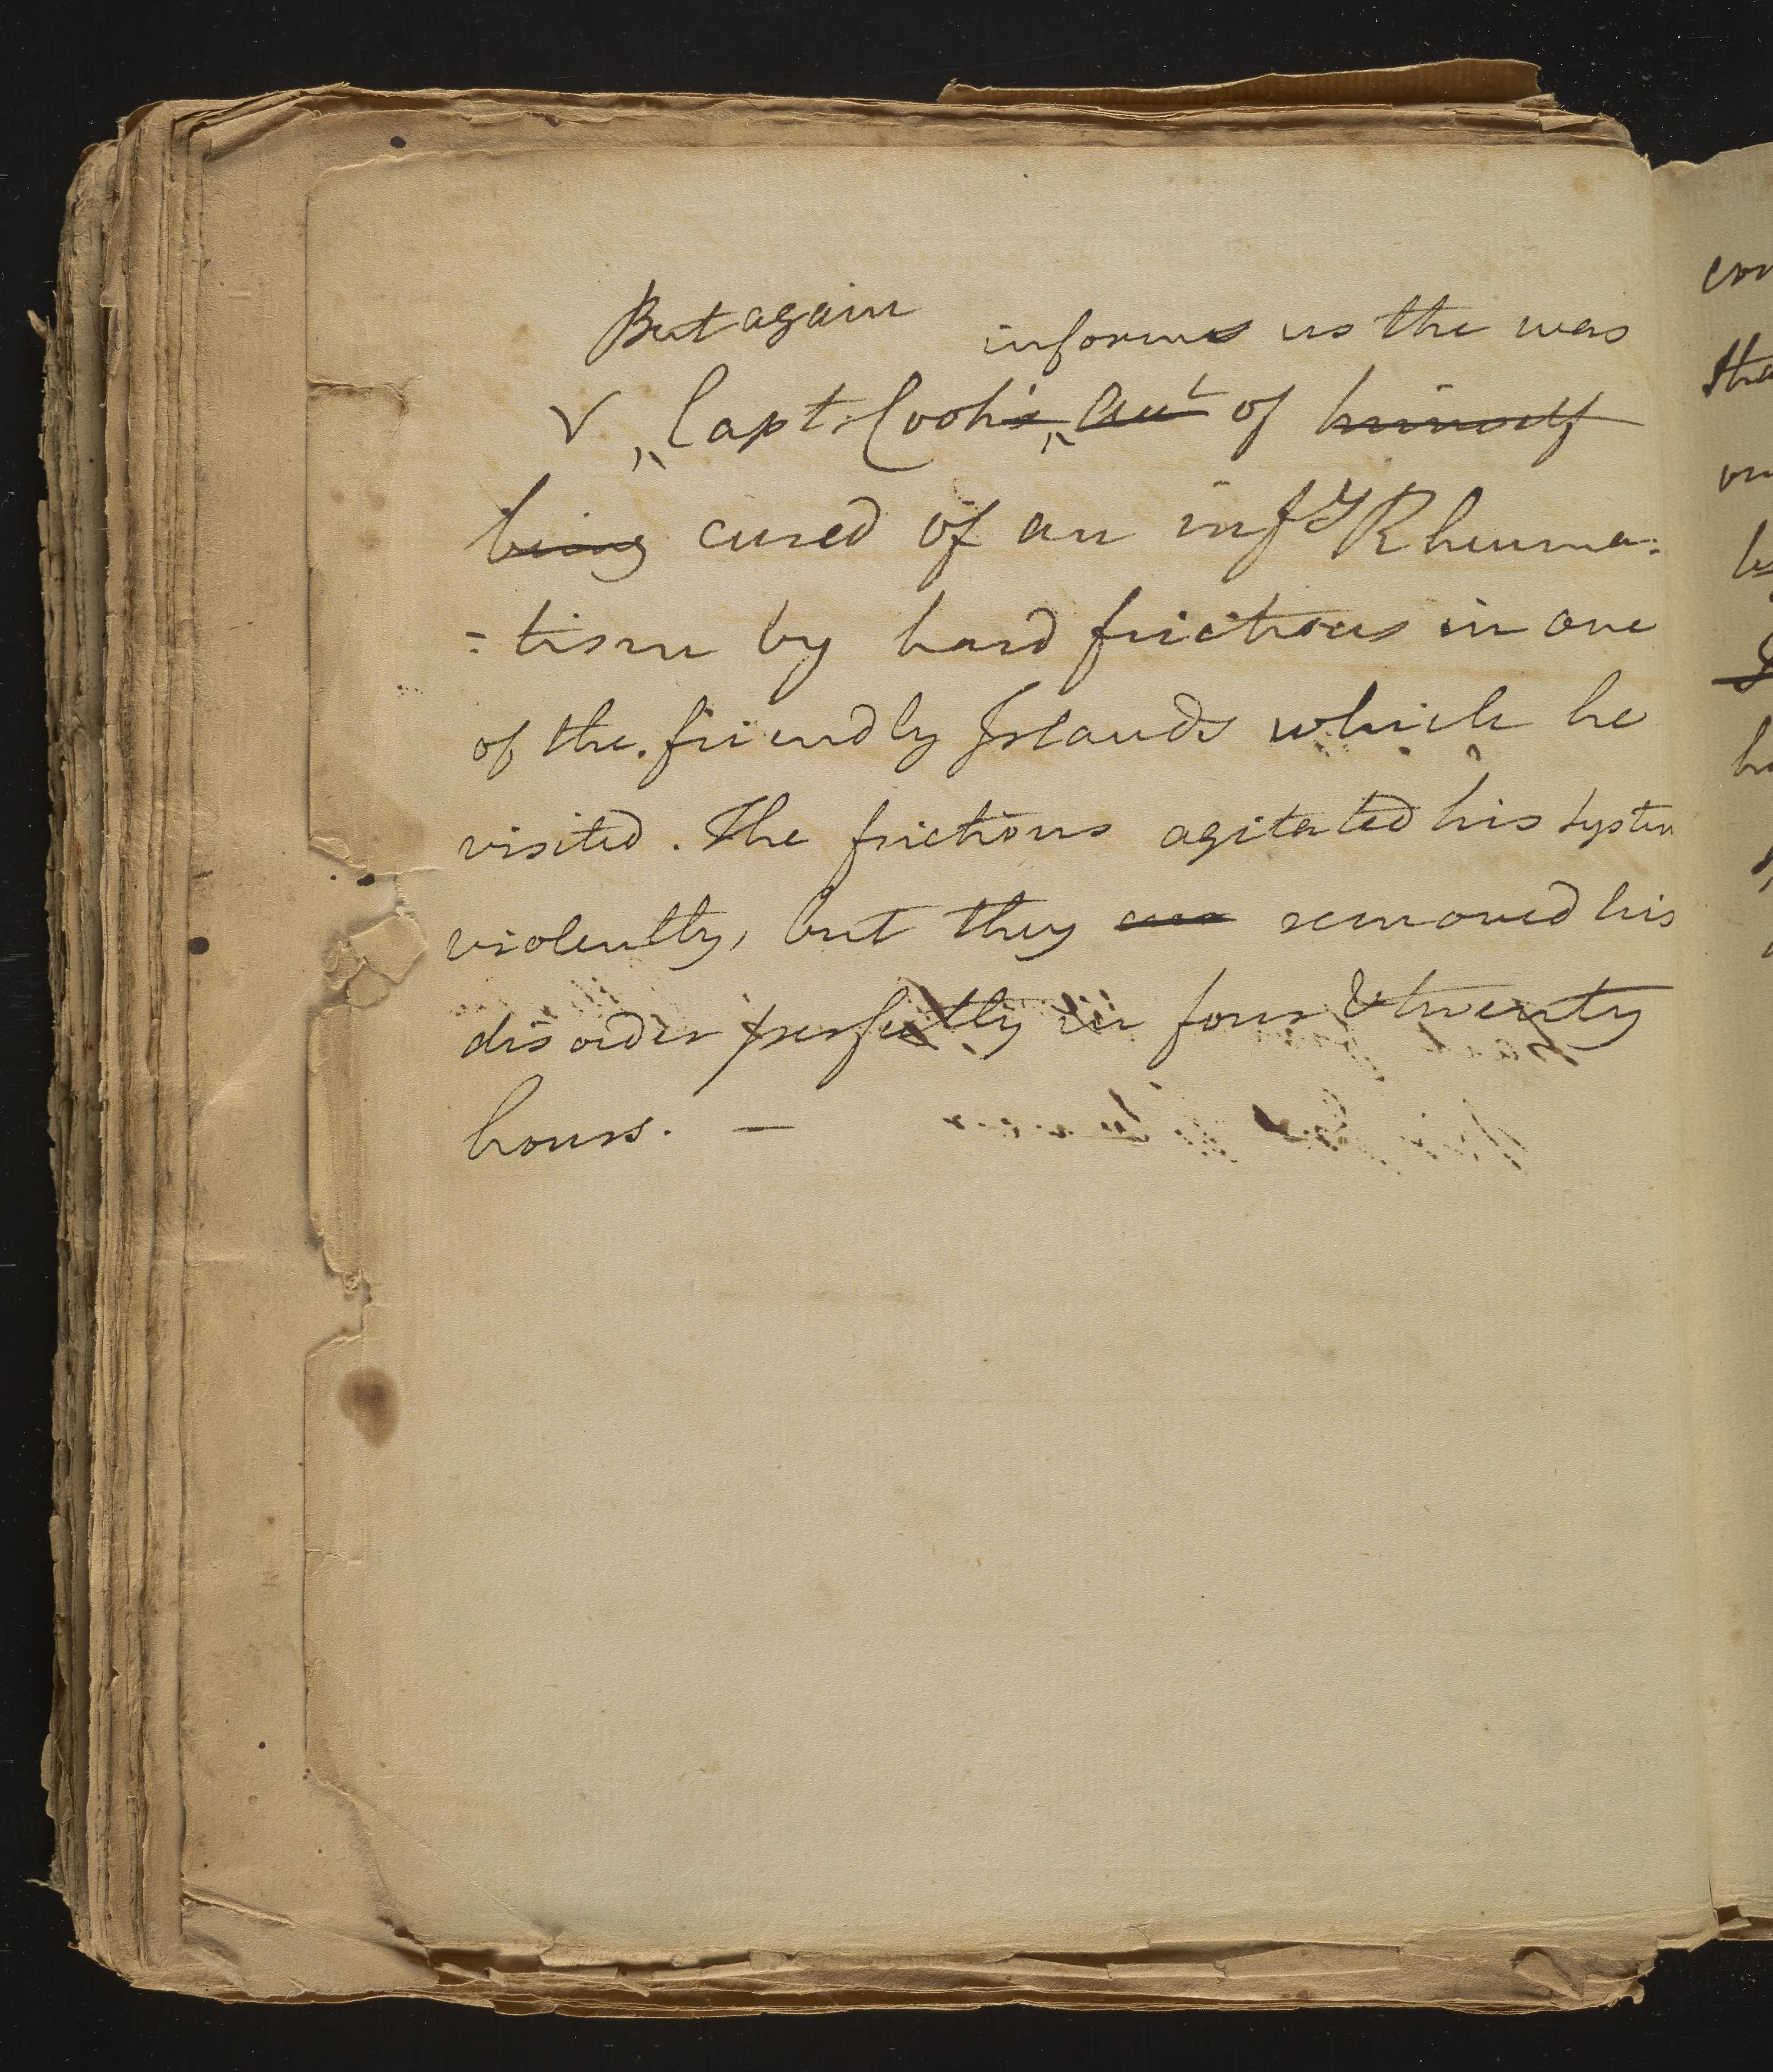But again
informs us the was
V ^ Capt Cook['s] [acc^t] of [himself]
[being] cured of an inf^y Rheuma-
-tism by the hard frictions in one
of the friendly Islands which he
visited. The frictions agitated his System
violently, but they [are] seasoned his
disorder perfectly in four & twenty
hours.